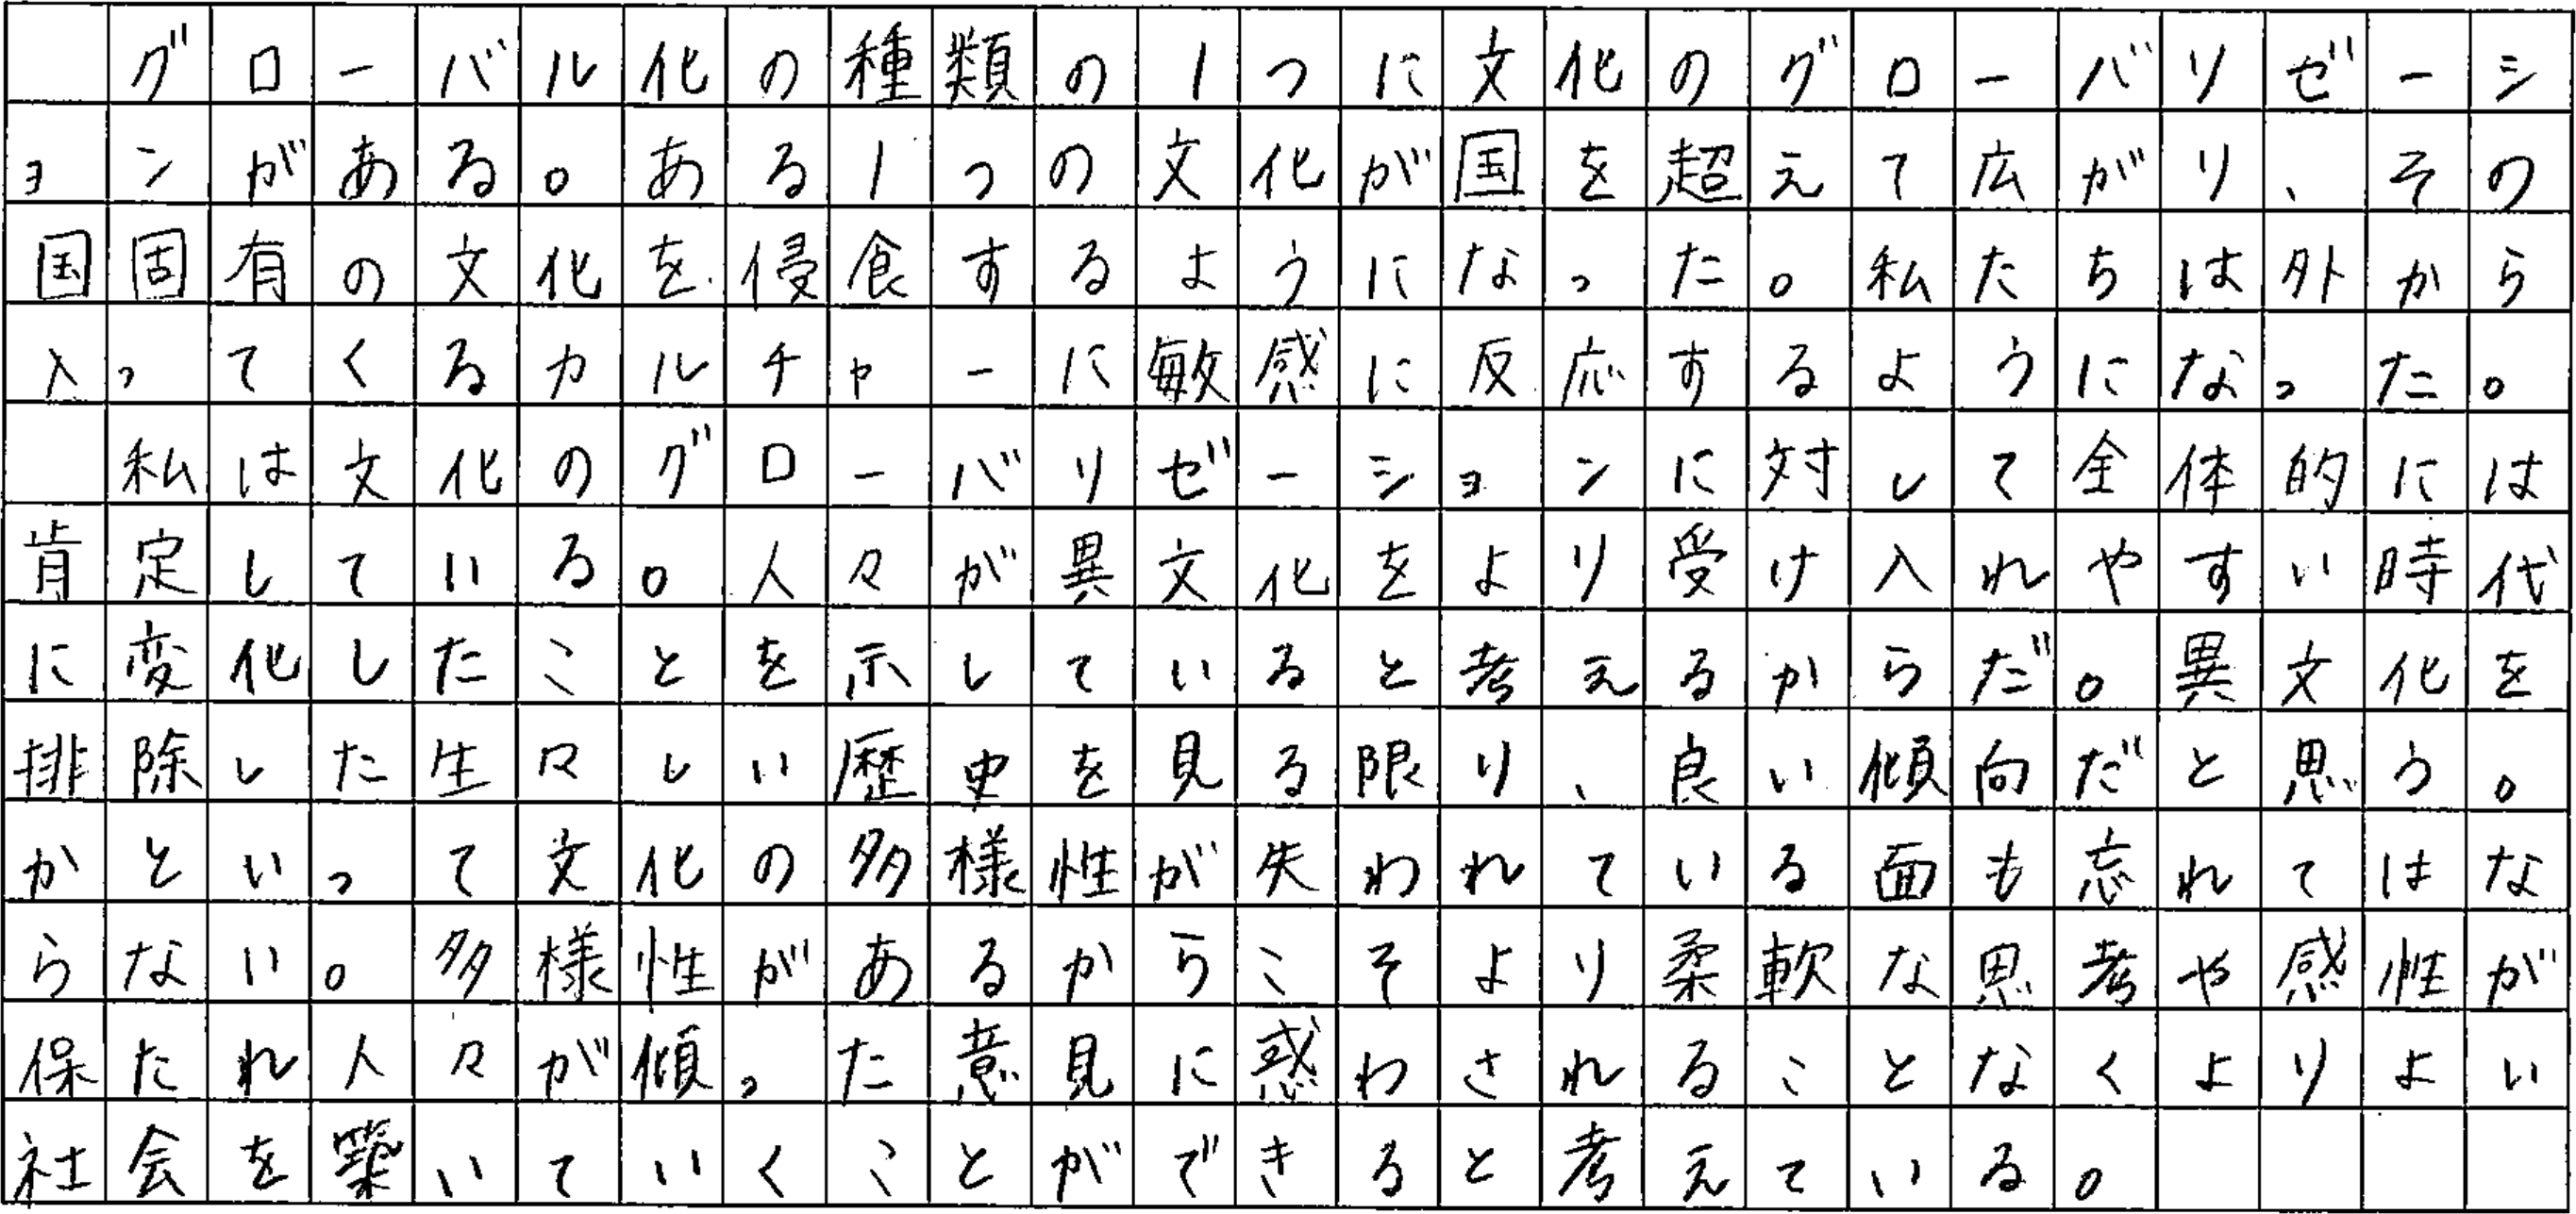　グローバル化の種類の１つに文化のグローバリゼーションがある。ある１つの文化が国を超えて広がり、その国固有の文化を侵食するようになった。私たちは外から入ってくるカルチャーに敏感に反応するようになった。
　私は文化のグローバリゼーションに対して全体的には肯定している。人々が異文化をより受け入れやすい時代に変化したことを示していると考えるからだ。異文化を排除した生々しい歴史を見る限り、良い傾向だと思う。かといって文化の多様性が失われている面も忘れてはならない。多様性があるからこそより柔軟な思考や感性が保たれ人々が傾った意見に惑わされることなくよりよい社会を築いていくことができると考えている。
